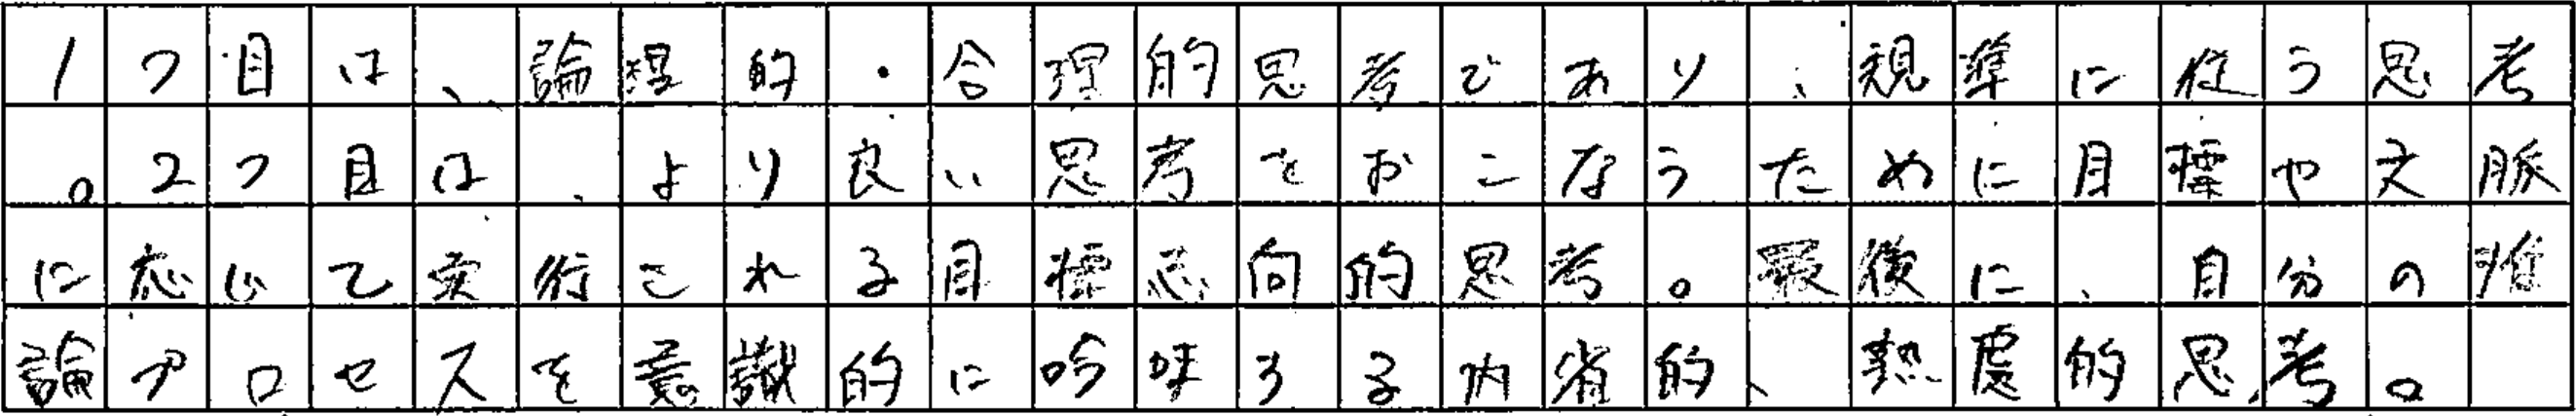１つ目は、論理的・合理的思考であり、規準に従う思考。２つ目は、より良い思考をおこなうために目標や文脈に応じて実行される目標志向的思考。最後に、自分の推論プロセスを意識的に吟味する内省的、熟慮的思考。
